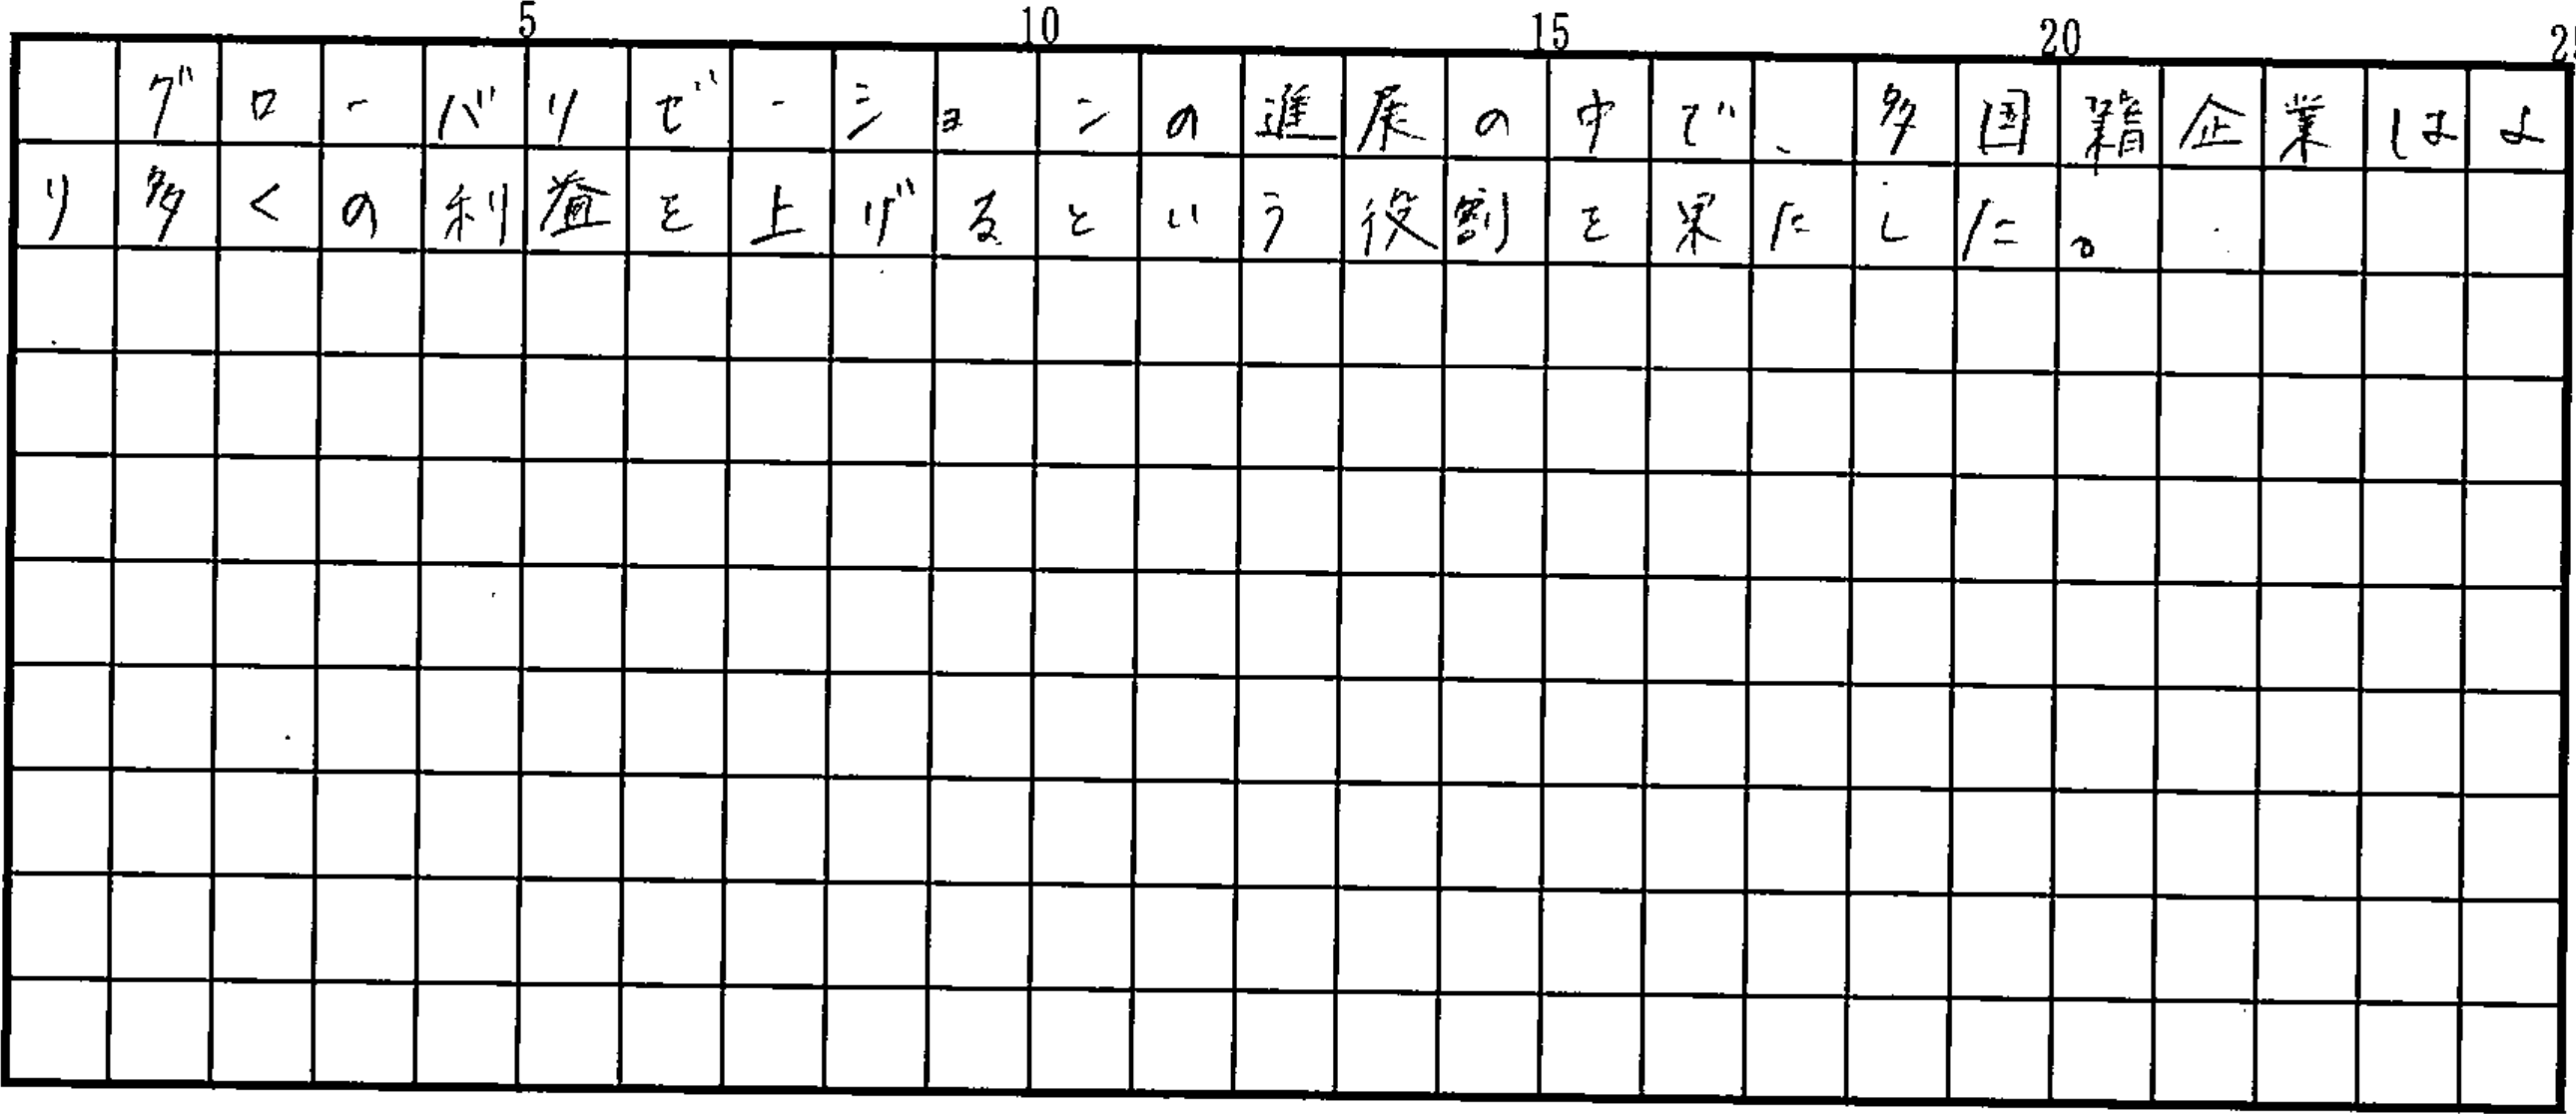　グローバリゼーションの進展の中で、多国籍企業はより多くの利益を上げるという役割を果たした。
